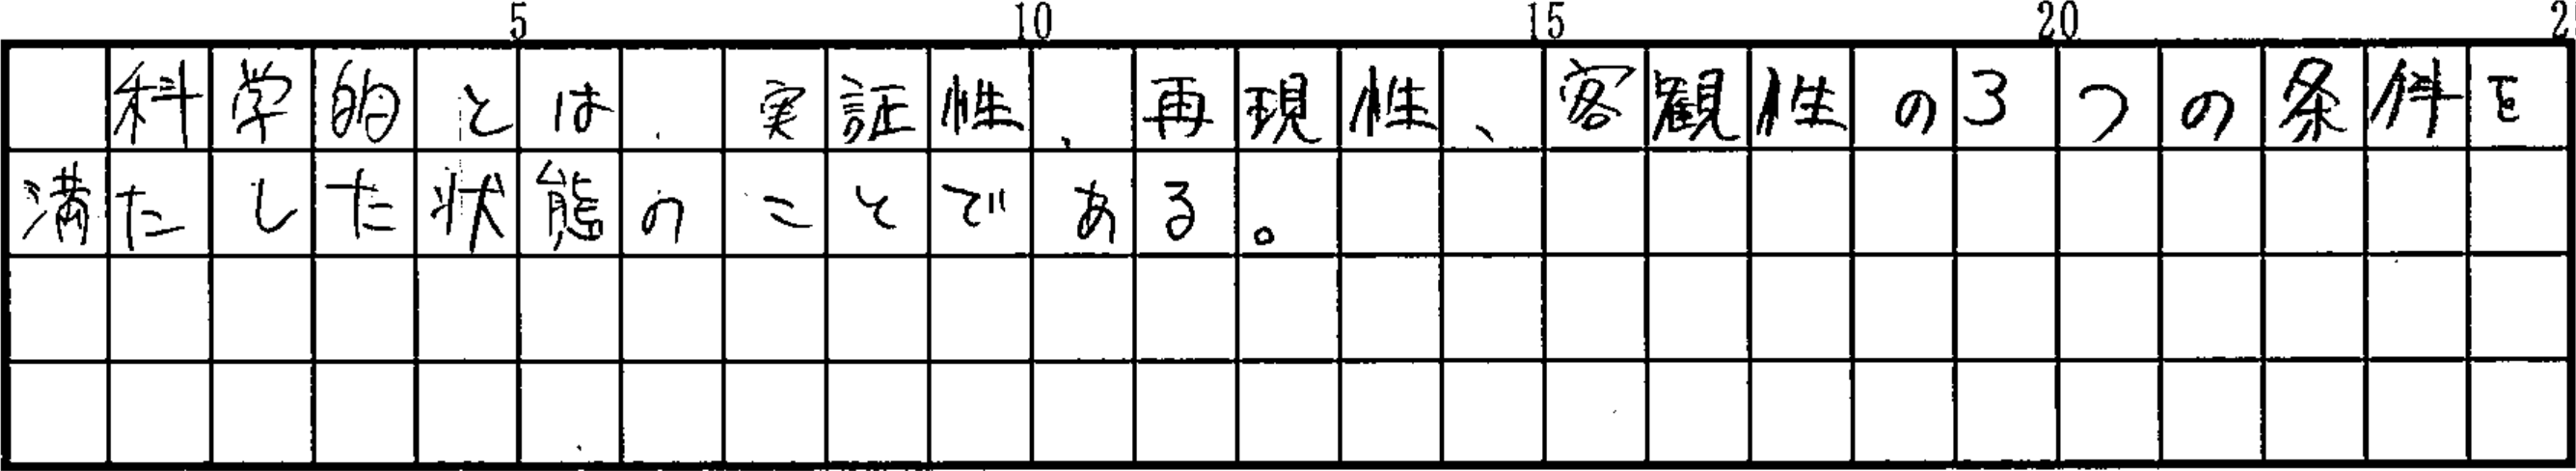　科学的とは、実証性、再現性、客観性の３つの条件を満たした状態のことである。
